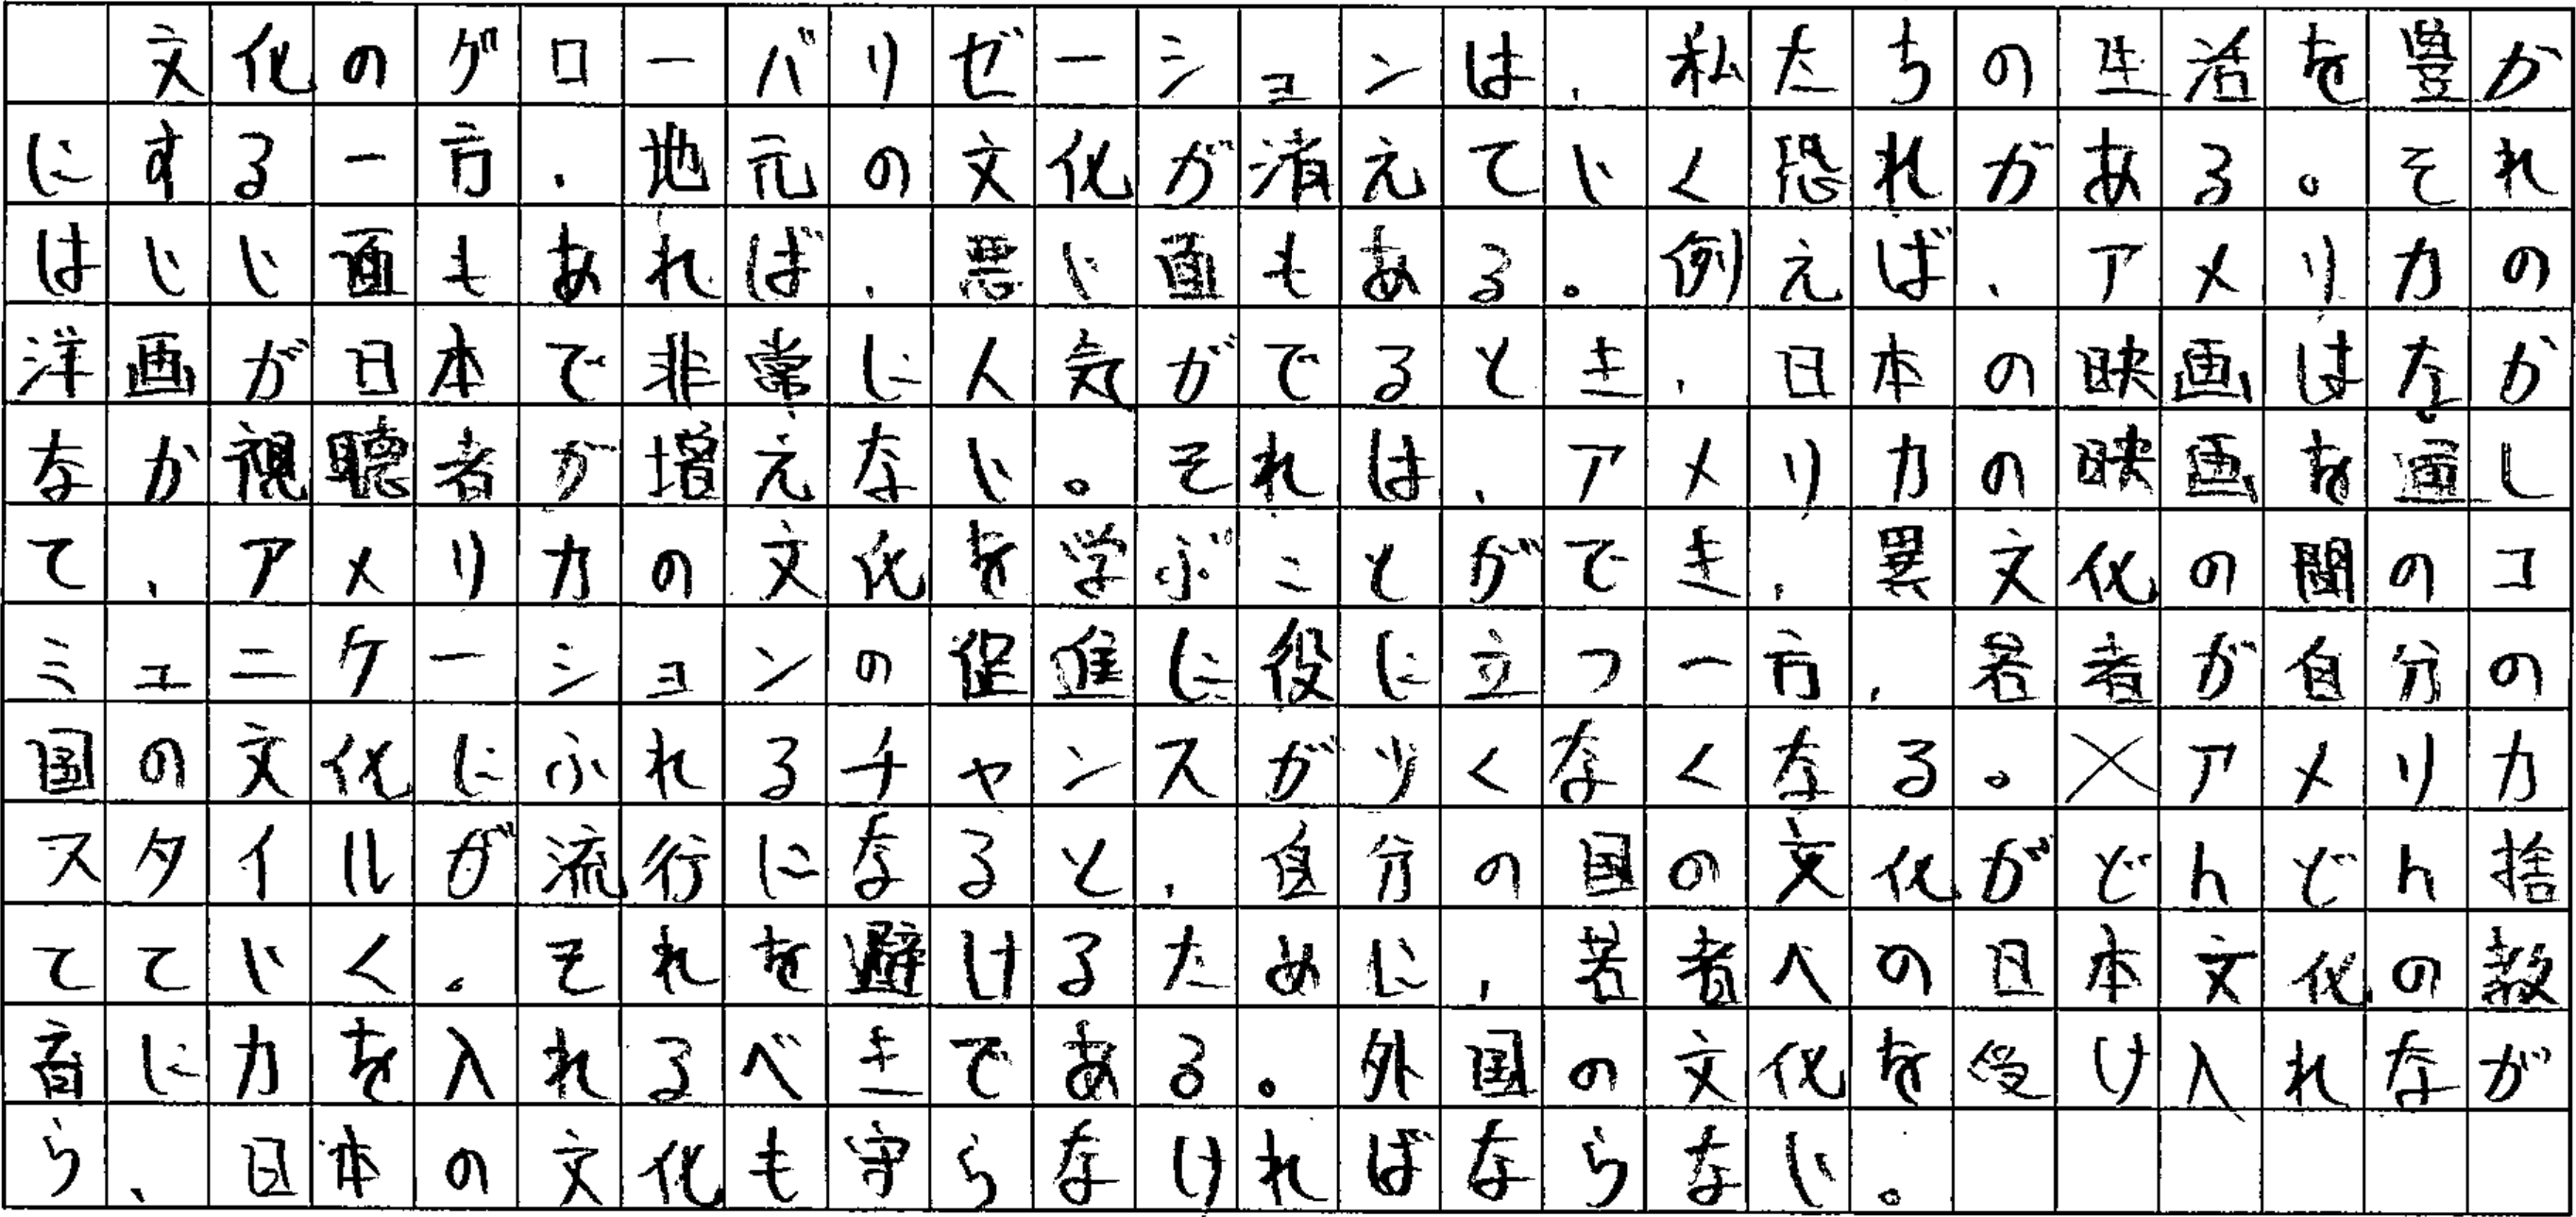　文化のグローバリゼーションは、私たちの生活を豊かにする一方、地元の文化が消えていく恐れがある。それはいい面もあれば、悪い面もある。例えば、アメリカの洋画が日本で非常に人気がでるとき、日本の映画はなかなか視聴者が増えない。それは、アメリカの映画を通して、アメリカの文化を学ぶことができ、異文化の間のコミュニケーションの促進に役に立つ一方、若者が自分の国の文化にふれるチャンスが少くなくなる。×アメリカスタイルが流行になると、自分の国の文化がどんどん捨てていく。それを避けるために、若者への日本文化の教育に力を入れるべきである。外国の文化を受け入れながら、日本の文化も守らなければならない。
